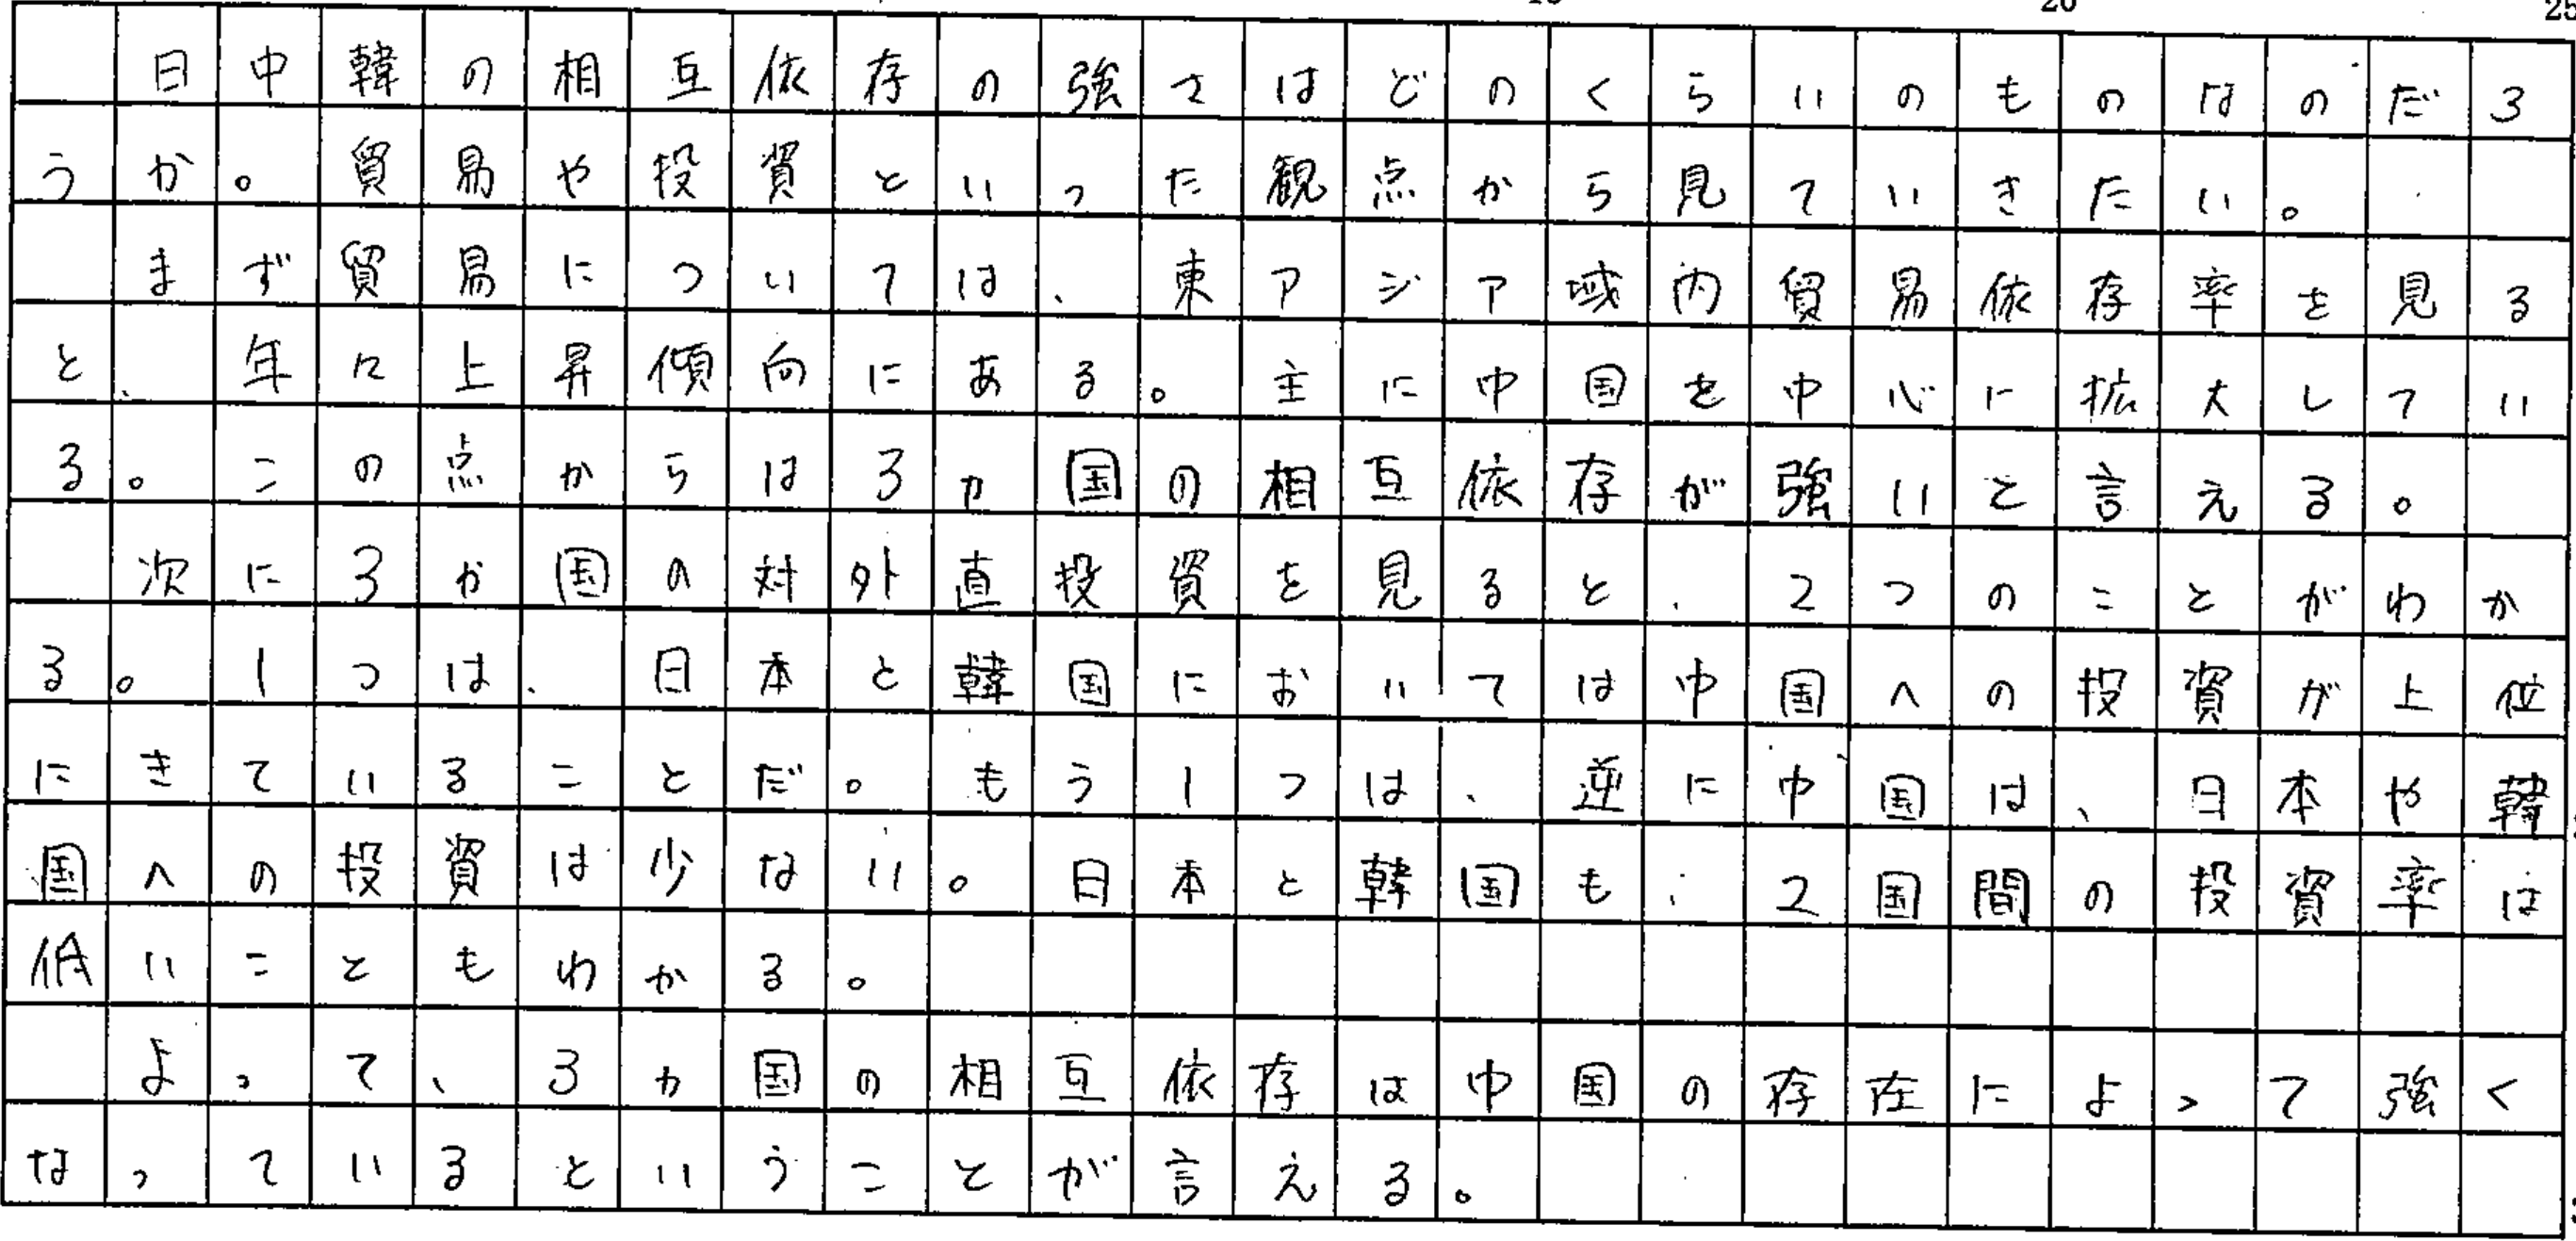　日中韓の相互依存の強さはどのくらいのものなのだろうか。貿易や投資といった観点から見ていきたい。
　まず貿易については、東アジア域内貿易依存率を見ると、年々上昇傾向にある。主に中国を中心に拡大している。この点からは３ヵ国の相互依存が強いと言える。
　次に３か国の対外直投資を見ると、２つのことがわかる。１つは、日本と韓国においては中国への投資が上位にきていることだ。もう１つは、逆に中国は、日本や韓国への投資は少ない。日本と韓国も、２国間の投資率は低いこともわかる。
　よって、３ヵ国の相互依存は中国の存在によって強くなっているということが言える。
